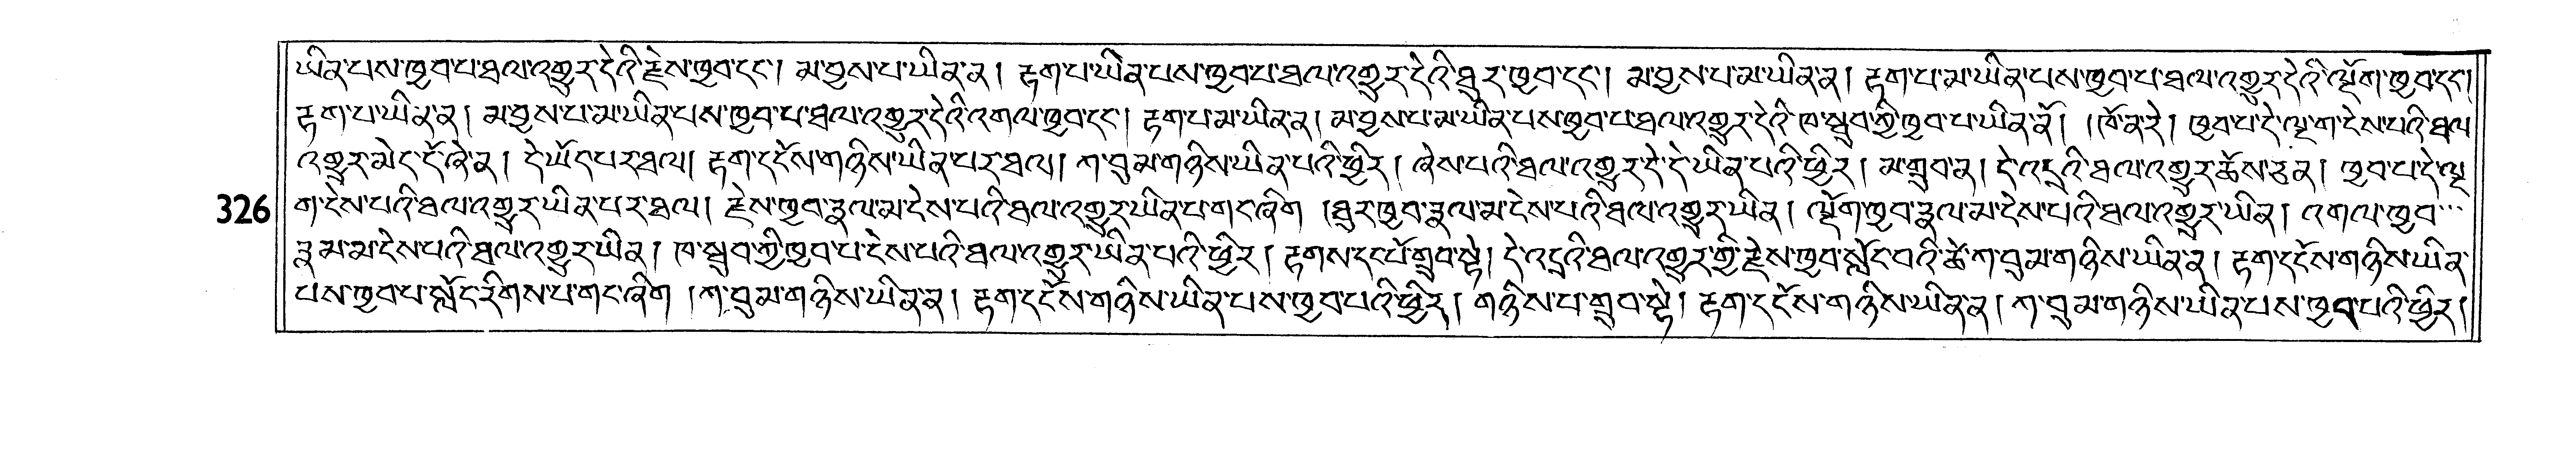ཡིན་པས་ཁྱབ་པ་ཐལ་འགྱུར་དེའི་རྗེས་ཁྱབ་དང་། མ་བྱས་པ་ཡིན་ན། རྟག་པ་ཡིན་པས་ཁྱབ་པ་ཐལ་འགྱུར་དེའི་ཐུར་ཁྱབ་དང་། མ་བྱས་པ་མ་ཡིན་ན། རྟག་པ་མ་ཡིན་པས་ཁྱབ་པ་ཐལ་འགྱུར་དེའི་ལྡོག་ཁྱབ་དང་།
རྟག་པ་ཡིན་ན། མ་བྱས་པ་མ་ཡིན་པས་ཁྱབ་པ་ཐལ་འགྱུར་དེའི་འགལ་ཁྱབ་དང་། རྟག་པ་མ་ཡིན་ན། མ་བྱས་པ་མ་ཡིན་པས་ཁྱབ་པ་ཐལ་འགྱུར་དེའི་ཁ་སྦུབ་ཀྱི་ཁྱབ་པ་ཡིན་ནོ། །ཁོ་ན་རེ། ཁྱབ་པ་དེ་ལྔ་ག་ངེས་པའི་ཐལ་
འགྱུར་མེད་དོ་ཞེ་ན། དེ་ཡོད་པར་ཐལ། རྟག་དངོས་གཉིས་ཡིན་པར་ཐལ། ཀ་བུམ་གཉིས་ཡིན་པའི་ཕྱིར། ཞེས་པའི་ཐལ་འགྱུར་དེ་དེ་ཡིན་པའི་ཕྱིར། མ་གྲུབ་ན། དེ་འདྲའི་ཐལ་འགྱུར་ཆོས་ཅན། ཁྱབ་པ་དེ་ལྔ་
ག་ངེས་པའི་ཐལ་འགྱུར་ཡིན་པར་ཐལ། རྗེས་ཁྱབ་རྣལ་མ་ངེས་པའི་ཐལ་འགྱུར་ཡིན་པ་གང་ཞིག །ཐུར་ཁྱབ་རྣལ་མ་ངེས་པའི་ཐལ་འགྱུར་ཡིན། ལྡོག་ཁྱབ་རྣལ་མ་ངེས་པའི་ཐལ་འགྱུར་ཡིན། འགལ་ཁྱབ་
རྣམ་མ་ངེས་པའི་ཐལ་འགྱུར་ཡིན། ཁ་སྦུབ་ཀྱི་ཁྱབ་པ་ངེས་པའི་ཐལ་འགྱུར་ཡིན་པའི་ཕྱིར། རྟགས་དང་པོ་གྲུབ་སྟེ། དེ་འདྲའི་ཐལ་འགྱུར་གྱི་རྗེས་ཁྱབ་སློང་བའི་ཚེ་ཀ་བུམ་གཉིས་ཡིན་ན། རྟག་དངོས་གཉིས་ཡིན་
པས་ཁྱབ་པ་སློང་རིགས་པ་གང་ཞིག །ཀ་བུམ་གཉིས་ཡིན་ན། རྟག་དངོས་གཉིས་ཡིན་པས་ཁྱབ་པའི་ཕྱིར། གཉིས་པ་གྲུབ་སྟེ། རྟག་དངོས་གཉིས་ཡིན་ན། ཀ་བུམ་གཉིས་ཡིན་པས་ཁྱབ་པའི་ཕྱིར།